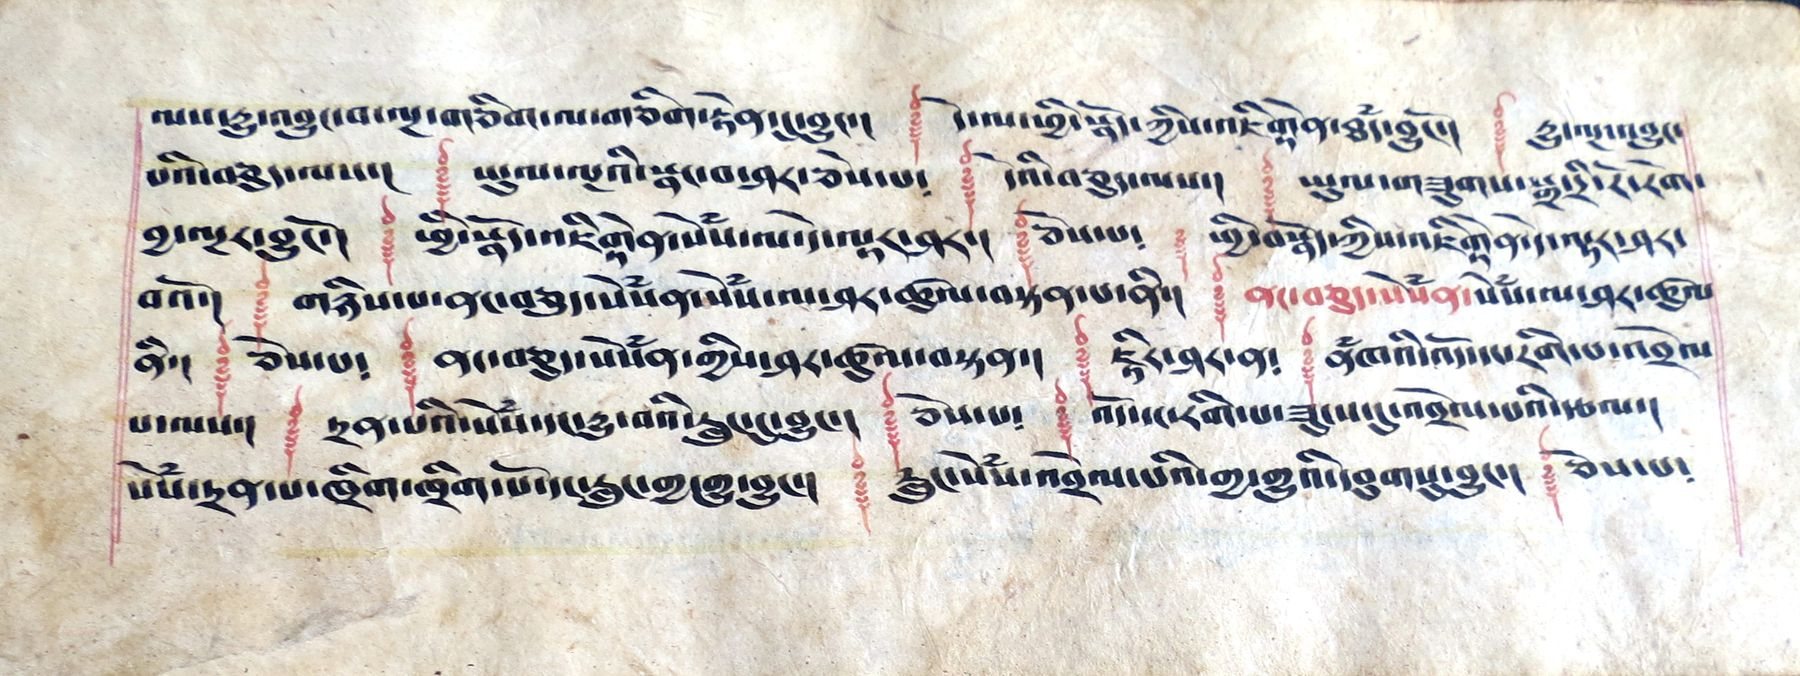ལས་རྒྱུ་འབྱུང་བ་ལྔ། གཅིག་ལ་གཅིག་བརྟེན་ཏེ་བྱུང་། དེ་ལས་ཕྱི་སྣོད་ཀྱི་འཇིག་རྟེན་ཐམས་ཅད་བྱུང་ངོ་། །རྒྱུ་ལྔ་འབྱུང་
བའི་བཅུད་ལས། ཡུལ་ལྔའི་སྣང་བ་ཤར་ཞེས་པས། དེའི་བཅུད་ལས་ཡུལ་གཟུགས་སྒྲ་དྲི་རོ་རེག་
བྱ་ལྔ་བྱུང་ངོ་། །ཕྱི་སྣོད་འཇིག་རྟེན་སེམས་ལ་དེ་ལྟར་ཤར་ཅེས་པས། ཕྱི་སྣོད་ཀྱི་འཇིག་རྟེན་དེ་ལྟར་ཤར་
བའོ། །གཉིས་པ་ནང་བཅུད་སེམས་ཅན་སེམས་ལས་ཤར་ཚུལ་བསྟན་པ་ནི། ནང་བཅུད་སེམས་ཅན་སེམས་ལ་ཤར་ཚུལ་
ནི། །ཞེས་པས་ནང་བཅུད་སེམས་ཅན་གྱི་ཤར་ཚུལ་བསྟན། ཇི་ལྟར་ཤར་ན་ནམ་མཁའི་འོད་དང་རིག་པ་འབྲེལ་
བ་ལས། དྲན་པའི་སེམས་དང་རྒྱུ་བའི་རླུང་དུ་བྱུང་། །ཞེས་པས་འོད་དང་རིག་པ་ཟུང་དུ་འབྲེལ་བའི་རྩལ། 
སེམས་དྲན་པ་ཁྲིག་ཁྲིག་པོ་དང་། རླུང་གྱ་གྱུ་བྱུང་། རླུང་སེམས་འབྲེལ་བས་གྱ་གྱུའི་དབུགས་སུ་བྱུང་། །ཞེས་པས་